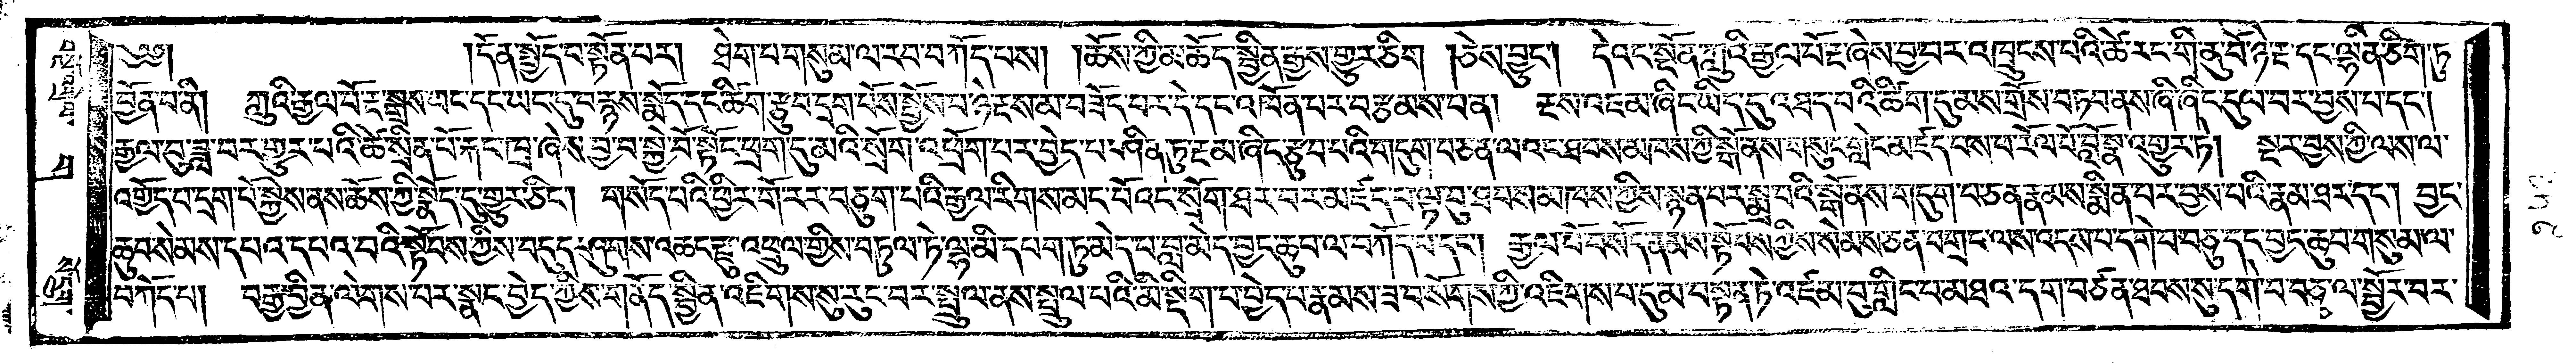༄༅། །དོན་སྤྱོད་བ་སྟོན་པར། ཐེག་པ་གསུམ་ལ་རབ་བཀོད་པས། །ཆོས་ཀྱི་མཆོད་སྦྱིན་རྒྱས་གྱུར་ཅིག །ཅེས་བྱུང་། དེའང་སྔོན་ཀླུའི་རྒྱལ་པོ་རྔ་ཞེས་བྱ་བར་འཁྲུངས་པའི་ཚེ་རང་གི་ནུ་བོ་ཉེ་རྔ་དང་ལྷན་ཅིག་ཏུ་
བྱོན་བ་ནི། ཀླུའི་རྒྱལ་པོ་རྔ་སྒྲས་ཡང་དང་ཡང་དུ་བརྙས་སྨོད་དང་ཚིག་རྩུབ་དྲག་པོས་སྤྱོས་པ་ཉེ་རྔས་མ་བཟོད་བར་དེ་དང་འཁོན་པར་བརྩམས་པ་ན། རྔས་འཇམ་ཞིང་ཡིད་དུ་འཐད་པའི་ཚིག་དུ་མས་གྲོས་བཏབ་ནས་ཞི་ཞིང་དུལ་བར་བྱས་པ་དང་།
རྒྱལ་བུ་ཟླ་བར་གྱུར་པའི་ཚེ་སྲིན་པོ་རྐང་ཁྲ་ཞེས་བྱ་བ་སྐྱེ་བོ་སྟོང་ཕྲག་དུ་མའི་སྲོག་འཕྲོག་པར་བྱེད་པ་ཤིན་ཏུ་རྔ་མ་ཞིང་རྩུབ་པའི་གདུག་བ་ཅན་ལའང་ཐབས་མཁས་ཀྱི་སྒོ་ནས་གསུང་གླེང་མཛད་པས་ཕ་རོལ་པོ་བློ་སྣ་འགྱུར་ཏེ། སྔར་བྱས་ཀྱི་ལས་ལ་
འགྱོད་པ་དྲག་པོ་སྐྱེས་ནས་ཆོས་ཀྱི་སྣོད་དུ་གྱུར་ཅིང་། གསོད་པའི་ཕྱིར་གོ་རར་བཅུག་པའི་རྒྱལ་རིགས་མང་པོའང་སྲོག་ཐར་བར་མཛད་པ་ལྟ་བུ་ཐབས་མཁས་ཀྱིས་སྙན་བར་སྨྲ་བའི་སྒོ་ནས་གདུག་བ་ཅན་རྣམས་སྨིན་བར་བྱས་བའི་རྣམ་ཐར་དང་། བྱང་
ཆུབ་སེམས་དཔའ་དཔའ་བའི་སྟོབས་ཀྱིས་བདུད་ཤུགས་འཆང་རྫུ་འཕྲུལ་གྱིས་བཏུལ་ཏེ་ལྷ་མི་དཔག་ཏུ་མེད་པ་བླ་མེད་བྱང་ཆུབ་ལ་བཀོད་པ་དང་། རྒྱལ་པོ་བསོད་ནམས་སྟོབས་ཀྱིས་སེམས་ཅན་བགྲང་ལས་འདས་པ་དགེ་བ་བཅུ་དང་བྱང་ཆུབ་གསུམ་ལ་
བཀོད་པ། བརྒྱ་བྱིན་ལེགས་པར་སྣང་བྱེད་ཀྱིས་གནོད་སྦྱིན་འཇིགས་སུ་རུང་བར་སྤྲུལ་ནས་སྤྲུལ་བའི་མི་སྡིག་པ་བྱེད་པ་རྣམས་ཟ་བ་སོགས་ཀྱི་འཇིགས་བ་དུ་མ་བསྟན་ཏེ་འཛམ་བུ་གླིང་བ་མཐའ་དག་བཙན་ཐབས་སུ་དགེ་བ་བཅུ་ལ་སྦྱོར་བར་